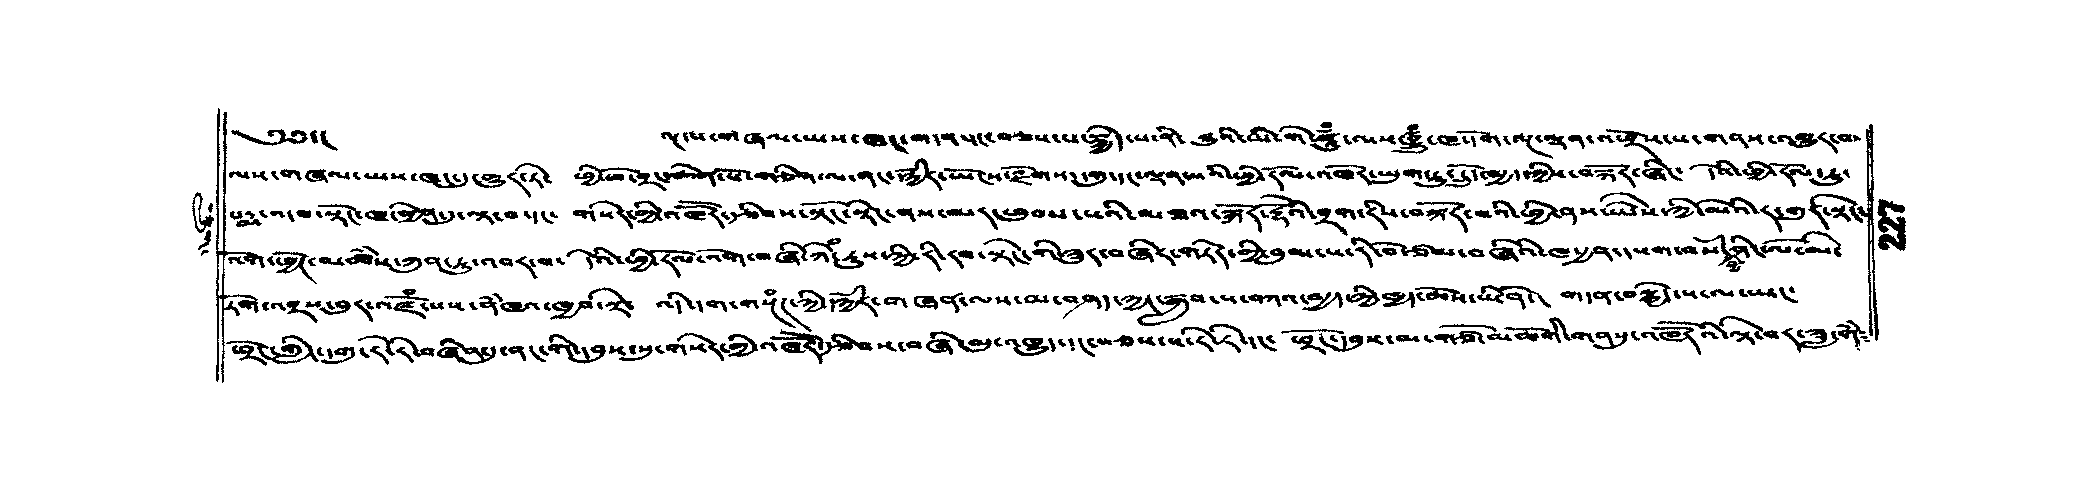ལྔ་པ་གཞལ་ཡས་ཁང་གདན་དང་བཅས་པ་སྐྱེད་པ་ནི། རྒྱུའི་ཡི་གེ་ཧཱུྃ་ལས་བྷྲུྃ་ཁ་དོག་ལྔ་ལྡན་འཕྲོས་པ་གནས་འགྱུར་བ་
ལས་གཞལ་ཡས་ཁང་དུ་གྱུར་ཏེ། ཕྱི་ཕོ་བྲང་ཆེན་པོ་གཅིག་ལ་ནང་དཀྱིལ་འཁོར་ཡོངས་རྫོགས་དགུ་དང་ལྡན་པའི་ཕྱི་རོལ་འཁོར་ཡུག་ཏུ་དུར་ཁྲོད་བརྒྱད་ཀྱིས་བསྐོར་ཞིང་། དེའི་ཕྱི་རོལ་ཏུ་
པདྨ་འདབ་སྟོང་ཁ་གྱེན་དུ་ལྟ་བ་དང་། གསེར་གྱི་འཁོར་ལོ་རྩིབས་སྟོང་སྟེང་ནས་མར་ཕུབས་པའི་མཐའ་སྐོར་རྡོ་རྗེའི་བྲག་རིས་བསྐོར་བའི་ཕྱི་ནས་ཡེ་ཤེས་ཀྱི་མེའི་ར་གུར་སྟེང་
འོག་ཕྱོགས་མཚམས་ཀུན་ཏུ་འབར་བ།དེའི་ཕྱི་རོལ་འོག་གཞི་ཀེཾ་རུས་ཀྱི་རི་རབ་སྟེང་གི་ཟུར་བཞིར་གཏེར་གྱི་བུམ་པ་རི་བོ་ཙམ་བཞིའི་ཁ་རྒྱན་དཔག་བསམ་གྱི་ཤིང་ལོ་མེ་
ཏོག་འབྲས་བུར་འཛོམ་པས་ནམ་མཁའ་ཁྱབ་སྟེ། འདི་དག་གསང་སྔགས་ཀྱི་དཀྱིལ་འཁོར་གཞན་ལས་མ་བཤད་ཀྱང་སྒྲུབ་པ་བཀའ་བརྒྱད་ཀྱི་ཁྱད་ཆོས་ཡིན་ནོ། གདན་བསྐྱེད་པ་ལ་ཡང་། 
ཕོ་བྲང་གི་གླིང་དགུ་རེ་རེ་བཞིན་དུ་ནང་གི་དབུས་སུ་གསེར་གྱི་འཁོར་ལོ་རྩིབས་བཞི་མུ་འཁྱུད་དང་བཅས་པ་རེ་རེ་དང་། ཕོ་བྲང་དབུས་མ་གཙོ་མཆོག་གི་གནས་སུ་འཁོར་ལོའི་ལྟེ་བ་ཟླ་གམ་